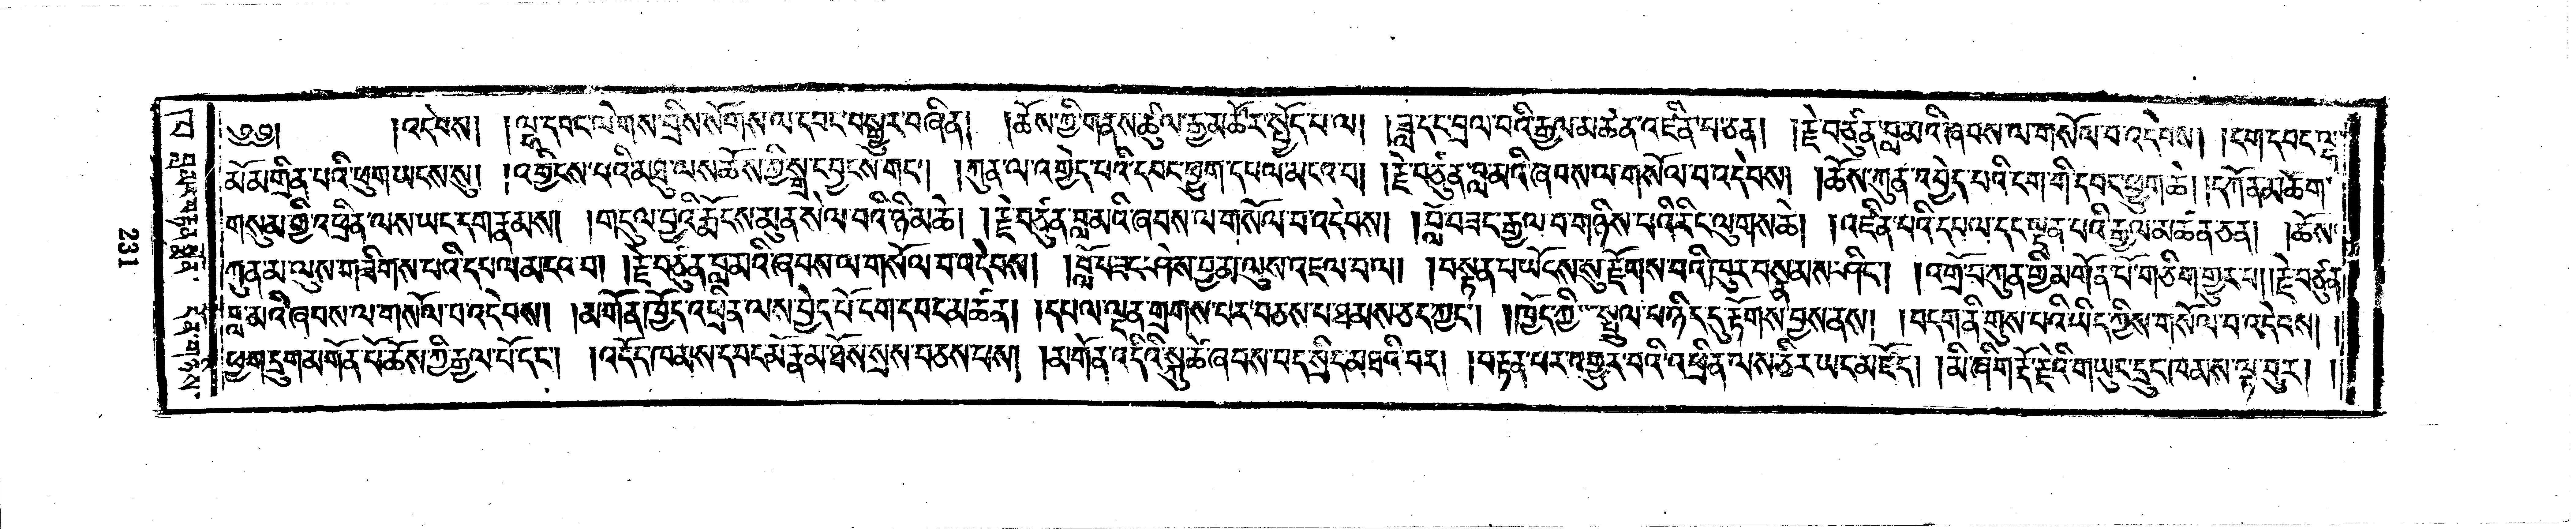༄༅། །འདེབས། །ལྷ་དབང་ལེགས་བྲིས་སོགས་ལ་དབང་བསྒྱུར་བཞིན། །ཆོས་ཀྱི་གནས་ཚུལ་རྒྱ་མཚོར་སྤྱོད་པ་ལ། །ཟླ་དང་བྲལ་བའི་རྒྱལ་མཚན་འཛིན་པ་ཅན། །རྗེ་བཙུན་བླ་མའི་ཞབས་ལ་གསོལ་བ་འདེབས། །ངག་དབང་ལྷ་
མོ་མགྲིན་པའི་ཕུག་ཡངས་སུ། །འགྱིངས་པའི་མཐུ་ལས་ཆོས་ཀྱི་སྒྲ་དབྱངས་གང་། །ཀུན་ལ་འགྱེད་པའི་དབང་ཕྱུག་དཔལ་མངའ་བ། །རྗེ་བཙུན་བླ་མའི་ཞབས་ལ་གསོལ་བ་འདེབས། །ཆོས་ཀུན་འབྱེད་པའི་ངག་གི་དབང་ཕྱུག་ཆེ། །དཀོན་མཆོག་
གསུམ་གྱི་འཕྲིན་ལས་ཡང་དག་རྣམས། །གདུལ་བྱའི་རྨོངས་མུན་སེལ་བའི་ཉི་མ་ཆེ། །རྗེ་བཙུན་བླ་མའི་ཞབས་ལ་གསོལ་བ་འདེབས། །བློ་བཟང་རྒྱལ་བ་གཉིས་པའི་རིང་ལུགས་ཆེ། །འཛིན་པའི་དཔལ་དང་ལྡན་པའི་རྒྱལ་མཚན་ཅན། །ཆོས་
ཀུན་མ་ལུས་གཟིགས་པའི་དཔལ་མངའ་བ། །རྗེ་བཙུན་བླ་མའི་ཞབས་ལ་གསོལ་བ་འདེབས། །བློ་བཟང་ཤེས་བྱ་མ་ལུས་འཇལ་བ་ལ། །བསྟན་པ་ཡོངས་སུ་རྫོགས་བའི་ཁུར་བསྣམས་ཤིང་། །འགྲོ་བ་ཀུན་གྱི་མགོན་པོ་གཅིག་གྱུར་པ། །རྗེ་བཙུན་
བླ་མའི་ཞབས་ལ་གསོལ་བ་འདེབས། །མགོན་ཁྱོད་འཕྲིན་ལས་བྱེད་པོ་ངག་དབང་མཚན། །དཔལ་ལྡན་གྲགས་པར་བཅས་པ་ཐམས་ཅད་ཀྱང་། །ཁྱོད་ཀྱི་སྤྲུལ་པ་ཉིད་དུ་རྟོགས་བྱས་ནས། །བདག་ནི་གུས་པའི་ཡིད་ཀྱིས་གསོལ་བ་འདེབས། །
ཕྱག་དྲུག་མགོན་པོ་ཆོས་ཀྱི་རྒྱལ་པོ་དང་། །འདོད་ཁམས་དབང་མོ་རྣམ་ཐོས་སྲས་བཅས་པས། །མགོན་འདིའི་སྐུ་ཚེ་ཞབས་པད་སྲིད་མཐའི་བར། །བརྟན་པར་འགྱུར་བའི་འཕྲིན་ལས་ཅིར་ཡང་མཛོད། །མི་ཞིག་རྡོ་རྗེའི་གཡུང་དྲུང་ཁམས་ལྟ་བུར། །